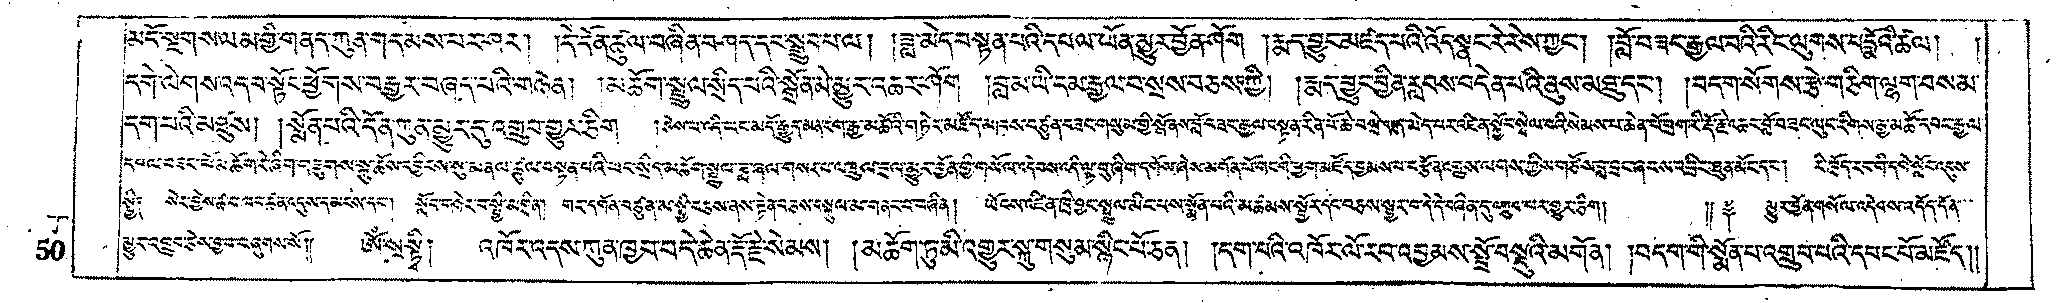མདོ་སྔགས་ལམ་གྱི་གནད་ཀུན་དགམས་པར་ཤར། །དེ་དོན་ཚུལ་བཞིན་བཤད་དང་སྒྲུབ་པ་ལ། །ཟླ་མེད་བསྟན་པའི་དཔལ་ཡོན་མྱུར་བྱོན་ཤོག །རྨད་བྱུང་མཛད་པའི་འོད་སྣང་རེ་རེས་ཀྱང་། །བློ་བཟང་རྒྱལ་བའི་རིང་ལུགས་པདམོའི་ཚལ། །
དགེ་ལེགས་འདབ་སྟོང་ཕྱོགས་བརྒྱར་བཞད་པའི་གཉེན། །མཆོག་སྤྲུལ་སྲིད་པའི་སྒྲོན་མེ་མྱུར་འཆར་ཤོག །བླ་མ་ཡི་དམ་རྒྱལ་བ་སྲས་བཅས་ཀྱི། །རྨད་བྱུང་བྱིན་རླབས་བདེན་པའི་ནུས་མཐུ་དང་། །བདག་སོགས་རྩེ་གཅིག་ལྷག་བསམ་
དག་པའི་མཐུས། །སྨོན་པའི་དོན་ཀུན་མྱུར་དུ་འགྲུབ་གྱུར་ཅིག །ཅེས་པ་འདི་ཡང་མདོ་རྒྱུད་མན་ངག་རྒྱ་མཚོའི་གཏེར་མཛོད་མཁས་བཙུན་བཟང་གསུམ་གྱི་སྒོ་ནས་བློ་བཟང་རྒྱལ་བསྟན་རིན་པོ་ཆེ་བསྲེ་བསླད་མེད་པར་འཛིན་སྐྱོང་སྤེལ་བའི་སེམས་པ་ཆེན་པོ་བྲག་རི་རྡོ་རྗེ་འཆང་བློ་བཟང་ལུང་རིགས་རྒྱ་མཚོ་དབང་རྒྱལ་
དཔལ་བཟང་པོ་མཆོག་རེ་ཞིག་གཟུགས་སྐུ་ཆོས་དབྱིངས་སུ་མནལ་ཚུལ་བསྟན་པའི་ཡང་སྲིད་མཆོག་སྤྲུལ་ཟླ་ཞལ་གསར་པ་འཁྲུལ་བྲལ་མྱུར་བྱིན་གྱི་གསོལ་འདེབས་འདི་ལྟ་བུ་ཞིག་དགོས་ཞེས་མགོན་པོ་གང་གི་ཕྱག་མཛོད་བྱམས་པ་བརྩོན་འགྲུས་ལགས་ཀྱིས་གཙོས་བླ་བྲང་ཞབས་འབྲིང་ཐུན་མོང་དང་། རི་ཁྲོད་རང་གི་དགེ་སློང་འདུས་
སྤྱི༑ སེར་བྱེས་ཚ་བ་ཁང་ཚན་འདུས་དམངས་དང་། སློབ་གཉེར་བ་སྤྱི་མགྲིན། གར་དགོན་བཙུན་མ་སྤྱི་བཅས་ནས་རྟེན་བཅས་བསྐུལ་མ་གནང་བ་བཞིན། ཡོངས་འཛིན་ཁྲི་བྱང་སྤྲུལ་མིང་པས་སྨོན་པའི་མཚམས་སྦྱོར་དང་བཅས་སྦྱར་བ་དེ་དེ་བཞིན་དུ་འགྲུབ་པར་གྱུར་ཅིག། །། འ་མྱུར་བྱོན་གསོལ་འདེབས་འདོད་དོན་་་
མྱུར་འགྲུབ་ཅེས་བྱ་བ་བཞུགས་སོ།། ཨོཾ་སྭསྟྭི། འཁོར་འདས་ཀུན་ཁྱབ་བདེ་ཆེན་རྡོ་རྗེ་སེམས། །མཆོག་ཏུ་མི་འགྱུར་སྐུ་གསུམ་སྙིང་པོ་ཅན། །དག་པའི་འཁོར་ལོ་རབ་འབྱམས་སྤྲོ་བསྡུའི་མགོན། །བདག་གི་སྨོན་པ་འགྲུབ་པའི་དཔང་པོ་མཛོད།།